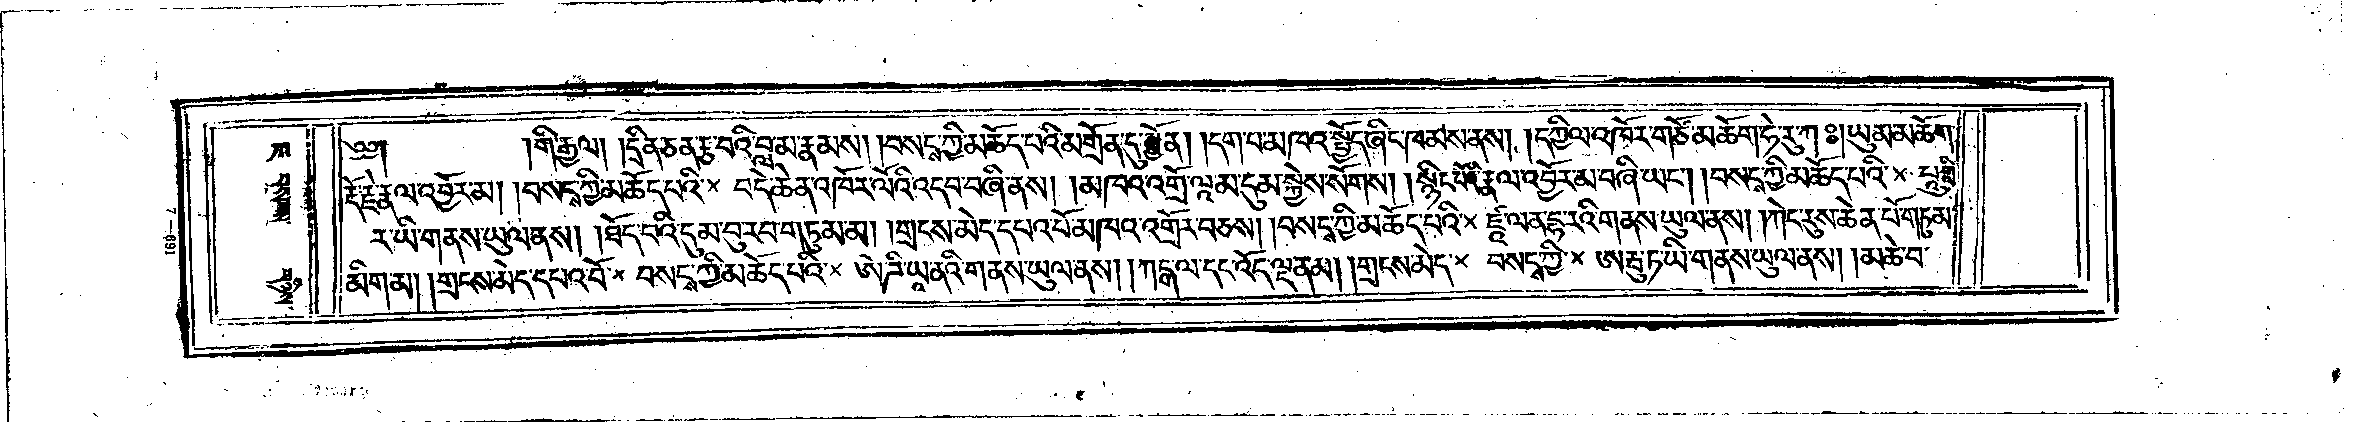༄༅། །གྱི་རྒྱལ། །དྲིན་ཅན་རྩ་བའི་བླ་མ་རྣམས། །བསངས་ཀྱི་མཆོད་པའི་མགྲོན་དུ་སྤྱོད། །དག་བ་མཁའ་སྤྱོད་ཞིང་ཁམས་ནས། །དཀྱིལ་འཁོར་གཙོ་མཆོག་ཏེ་རུ་ཀཿ ཡུམ་མཆོག་
རྡོ་རྗེ་རྣལ་འབྱོར་མ། །བསངས་ཀྱི་མཆོད་པའི་྾་བདེ་ཆེན་འཁོར་ལོའི་འདབ་བཞི་ནས། །མཁའ་འགྲོ་ལཱ་མ་གསུམ་ཀྱེས་སོགས། །སྙིང་པོའི་རྣལ་འབྱོར་མ་བཞི་ཡང་། །བསངས་ཀྱི་མཆོད་པའི་྾་པཱུ་ལལི་
ར་ཡི་གནས་ཡུལ་ནས། །ཐོད་པའི་དུམ་བུར་བ་གཏུམ་མ། །གྲངས་མེད་དཔའ་བོ་མཁའ་འགྲོར་བཅས། །བསངས་ཀྱི་ཆོད་པའི་྾་ཛའ་ལན་དྷ་རའི་གནས་ཡུལ་ནས། །ཀེང་རུས་ཆེན་པོ་གཏུམ་
མིག་མ། །གྲངས་མེད་དཔའ་བོ་྾་བསངས་ཀྱི་མཆོད་པའི་྾་ཨོ་ཊི་ཡའ་ནའི་གནས་ཡུལ་ནས། །ཀ་ངལ་དང་འོད་ལྡན་མ། །གྲངས་མེད་྾་བསངས་ཀྱི་྾་ཨ་རྦུ་ཏ་ཡི་གནས་ཡུལ་ནས། །མཆེ་བ་